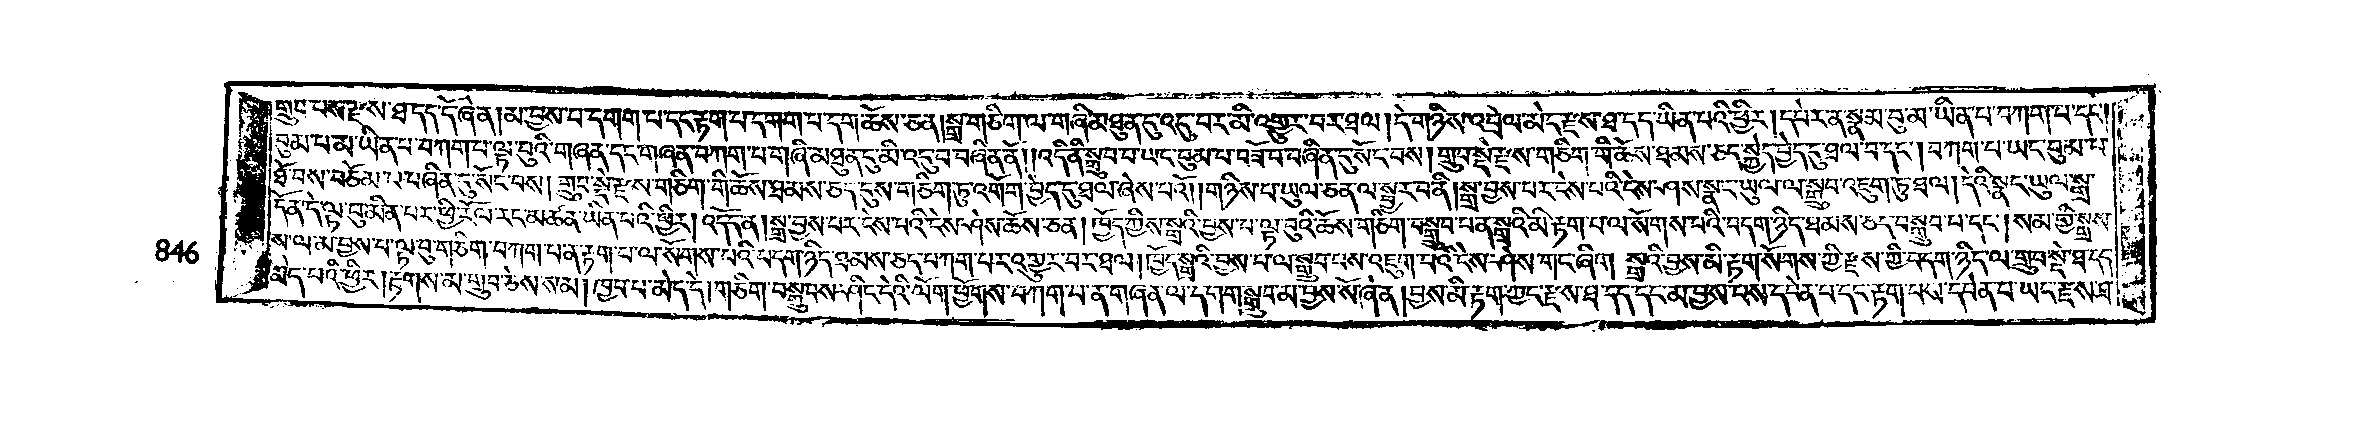གྲུབ་པས་རྫས་ཐ་དད་དོ་ཞེ་ན། མ་བྱས་པ་དགག་པ་དང་རྟག་པ་དགག་པ་དག་ཆོས་ཅན། སྒྲ་གཅིག་ལ་གཞི་མཐུན་དུ་འདུ་བར་མི་འགྱུར་བར་ཐལ། དེ་གཉིས་འབྲེལ་མེད་རྫས་ཐ་དད་ཡིན་པའི་ཕྱིར། དཔེར་ན་སྣམ་བུ་མ་ཡིན་པ་བཀག་པ་དང་།
བུམ་པ་མ་ཡིན་པ་བཀག་པ་ལྟ་བུའི་གཞན་དང་གཞན་བཀག་པ་གཞི་མཐུན་དུ་མི་འདུ་བ་བཞིན་ནོ། །འདི་ནི་སྒྲུབ་པ་ཡང་བུམ་པ་བཟོ་བ་བཞིན་དུ་སོང་བས། གྲུབ་སྡེ་རྫས་གཅིག་གི་ཆོས་ཐམས་ཅད་སྐྱེད་བྱེད་དུ་ཐལ་བ་དང་། བཀག་པ་ཡང་བུམ་པ་
ཐོ་བས་བཅོམ་པ་བཞིན་དུ་སོང་བས། གྲུབ་སྡེ་རྫས་གཅིག་གི་ཆོས་ཐམས་ཅད་དུས་གཅིག་ཏུ་འགོག་བྱེད་དུ་ཐལ་ཞེས་པའོ། །གཉིས་པ་ཡུལ་ཅན་ལ་སྦྱར་བ་ནི། སྒྲ་བྱས་པར་ངེས་པའི་ངེས་ཤས་སྣང་ཡུལ་ལ་སྒྲུབ་འཇུག་ཏུ་ཐལ། དེའི་སྣང་ཡུལ་སྒྲ་
དོན་དེ་ལྟ་བུ་མིན་པར་ཕྱི་རོལ་རང་མཚན་ཡིན་པའི་ཕྱིར། འདོད་ན། སྒྲ་བྱས་པར་ངེས་པའི་ངེས་ཤེས་ཆོས་ཅན། ཁྱོད་ཀྱིས་སྒྲའི་བྱས་པ་ལྟ་བུའི་ཆོས་གཅིག་བསྒྲུབ་པ་ན་སྒྲའི་མི་རྟག་པ་ལ་སོགས་པའི་བདག་ཉིད་ཐམས་ཅད་བསྒྲུབ་པ་དང་། སམ་གྱི་སྒྲས་
ས་ལ་མ་བྱས་པ་ལྟ་བུ་གཅིག་བཀག་པ་ན་རྟག་པ་ལ་སོགས་པའི་བདག་ཉིད་ཐམས་ཅད་བཀག་པར་འགྱུར་བར་ཐལ། ཁྱོད་སྒྲའི་བྱས་པ་ལ་སྒྲུབ་པས་འཇུག་པའི་ངེས་ཤེས་གང་ཞིག་སྒྲའི་བྱས་མི་རྟག་སོགས་ཀྱི་རྫས་ཀྱི་བདག་ཉིད་ལ་གྲུབ་སྡེ་ཐ་དད་
མེད་པའི་ཕྱིར། རྟགས་མ་གྲུབ་ཅེས་སམ། ཁྱབ་པ་མེད་དེ། གཅིག་བསྒྲུབས་ཤིང་དེའི་ལོག་ཕྱོགས་བཀག་པ་ན་གཞན་ལ་དགག་སྒྲུབ་མ་བྱས་སོ་ཞེ་ན། བྱས་མི་རྟག་ཀྱང་རྫས་ཐ་དད་དང་མ་བྱས་པས་དབེན་པ་དང་རྟག་པས་དབེན་པ་ཡང་རྫས་ཐ་